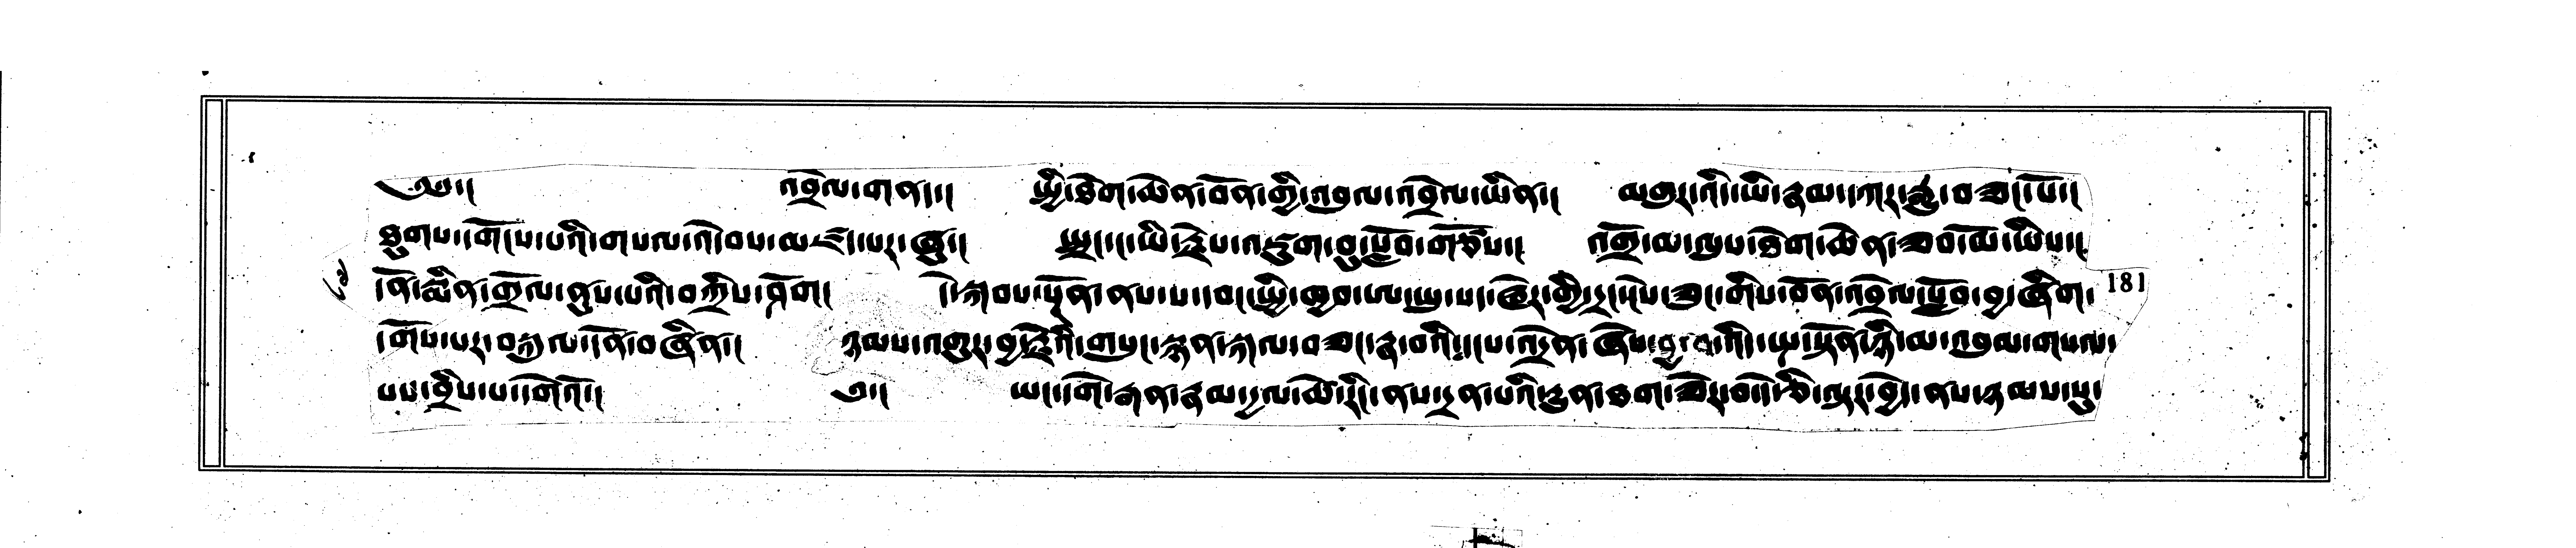འབྲེལ་གནད། །སྤྱི་ཐེག་ཆེན་བོན་གྱི་འབུལ་འབྲེལ་ཡིན། །མགུར་འདི་ཡི་རྣམ་དཀར་རྒྱུ་བཟང་པོ། །
ཐུགས་དགོངས་པའི་གསལ་འདེབས་མཛད་པར་ཞུ། །སྤྲང་ང་ཡི་རྗེས་འཇུག་བུ་སློབ་གཙོས། །འགྲོ་མ་ལུས་ཐེག་ཆེན་ཟབ་མོ་ཡིས། །
དོན་སྨིན་གྲོལ་ནུས་པའི་བཀྲ་ཤིས་ཤོག། །།དེ་སྐབས་སྔོན་ནས་ས་དབང་སྤྱི་ཁྱབ་ཨ་ཡུ་སད་ཝེར་གྱི་དྲང་ངེས་ཟུང་གིས་བོན་འབྲེལ་སློབ་བྱ་ཞིག་
དགོས་པར་བསྐུལ་དོན་བཞིན། ཉམས་འགུར་བྱ་རྗེའི་གསུང་སྙན་སྐལ་བཟང་རྣ་བའི་དང་འདྲེན་ཞེས་བྱ་བ་འདི་སྤ་སྟོན་ཉི་མ་འབུམ་གསལ་
པས་བྲིས་པ་དགེ། །།༄༅།། ཡང་དགེ་རྒན་རྣམ་རྒྱལ་ཚེ་རིང་ནས་དྲན་པའི་རྒྱུན་ཐག་ཟེར་བ་དེ་ཅི་ལྟར་བྱེད་ནས་ཉམས་སུ་